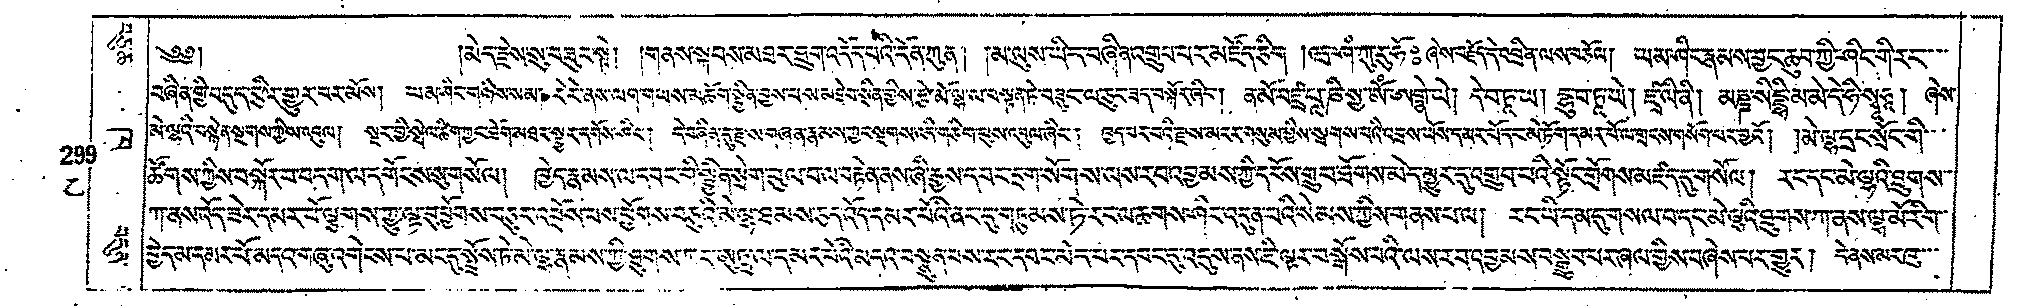༄༅། །མེད་རྗེས་སུ་བཟུང་སྟེ། །གནས་སྐབས་མཐར་ཐུག་འདོད་པའི་དོན་ཀུན། །མ་ལུས་ཡིད་བཞིན་འགྲུབ་པར་མཛོད་ཅིག །ཝ་ཤཾ་ཀུ་རུ་ཧོཿཞེས་བརྗོད་དེ་འཕྲིན་ལས་བཅོལ།  ཡམ་ཤིང་རྣམས་བྱང་ཆུབ་ཀྱི་ཤིང་གི་རང་་་
བཞིན་གྱི་བདུད་རྩིར་གྱུར་པར་མོས། ཡམ་ཤིང་གཉིས་སམ། རེ་རེ་ནས་ལག་གཡས་མཆོག་སྦྱིན་བྱས་པས་མཐེབ་སྲིན་གྱིས་རྩེ་མོ་ལྷ་ལ་བསྟན་ཏེ་བཟུང་ལ་ཅུང་ཟད་བསྐོར་ཞིང་།  ན་མོ་བཛྲ་པཱ་ཎི་སྱ་ཨོཾ་ཨགནེ་ཡེ། དེ་བ་ཏཱ་ཡ། དྷུ་བ་ཏཱ་ཡེ། ཛྭ་ལི་ནི། མཎྜ་སིདྡྷི་མ་མེ་དེ་ཧི་སྭཱཧཱ། ཞེས་
མེ་ལྷའི་བསྙེན་སྔགས་ཀྱིས་འབུལ། སྔར་གྱི་སྤེལ་ཚིག་ཀྱང་ཐོག་མཐར་སྦྱར་དགོས་ཤིང་། དེ་བཞིན་དུ་རྫས་གཞན་རྣམས་ཀྱང་སྔགས་འདི་གཅིག་པུས་འབུལ་ཞིང་། ཁྱད་པར་བའི་རྫས་མངར་གསུམ་གྱིས་སྦགས་པའི་འབྲས་ཡོས་དམར་པོ་དང་མེ་ཏོག་དམར་པོ་ལ་གྲངས་གསོག་པར་བྱའོ། །མེ་ལྷ་དྲང་སྲོང་གི་་་
ཚོགས་ཀྱིས་བསྐོར་བ་བདག་ལ་དགོངས་སུ་གསོལ། ཁྱེད་རྣམས་ལ་དབང་གི་སྦྱིན་སྲེག་ཕུལ་བ་ལ་བརྟེན་ནས་ཞི་རྒྱས་དབང་དྲག་སོགས་ལས་རབ་འབྱམས་ཀྱི་དངོས་གྲུབ་ཐོགས་མེད་མྱུར་དུ་འགྲུབ་པའི་སྟོང་གྲོགས་མཛད་དུ་གསོལ། རང་དང་མེ་ལྷའི་ཐུགས་་་
ཀ་ནས་འོད་ཟེར་དམར་པོ་ལྕགས་ཀྱུ་ལྟ་བུ་ཕྱོགས་བཅུར་འཕྲོས་པས་ཕྱོགས་བཅུའི་མེ་ལྷ་ཐམས་ཅད་འོད་དམར་པོའི་ནང་དུ་གཏུམས་ཏེ་རང་ལ་ཆགས་ཤིང་འདུན་པའི་སེམས་ཀྱིས་གནས་པ་ལ། རང་ཡི་དམ་དུ་གསལ་བ་དང་མེ་ལྷའི་ཐུགས་ཀ་ནས་ལྷ་མོ་རིག་་་
བྱེད་མ་དམར་པོ་མདའ་གཞུ་འགེངས་པ་མང་དུ་སྤྲོས་ཏེ་མེ་ལྷ་རྣམས་ཀྱི་ཐུགས་ཀར་ཨུཏྤ་ལ་དམར་པོའི་མདའ་བསྣུན་པས་རང་དབང་མེད་པར་དབང་དུ་འདུས་ནས་ཇི་ལྟར་བསྒོས་པའི་ལས་རབ་འབྱམས་བསྒྲུབ་པར་ཞལ་གྱིས་བཞེས་པར་གྱུར། དེ་ནས་མར་ཁུ་་་